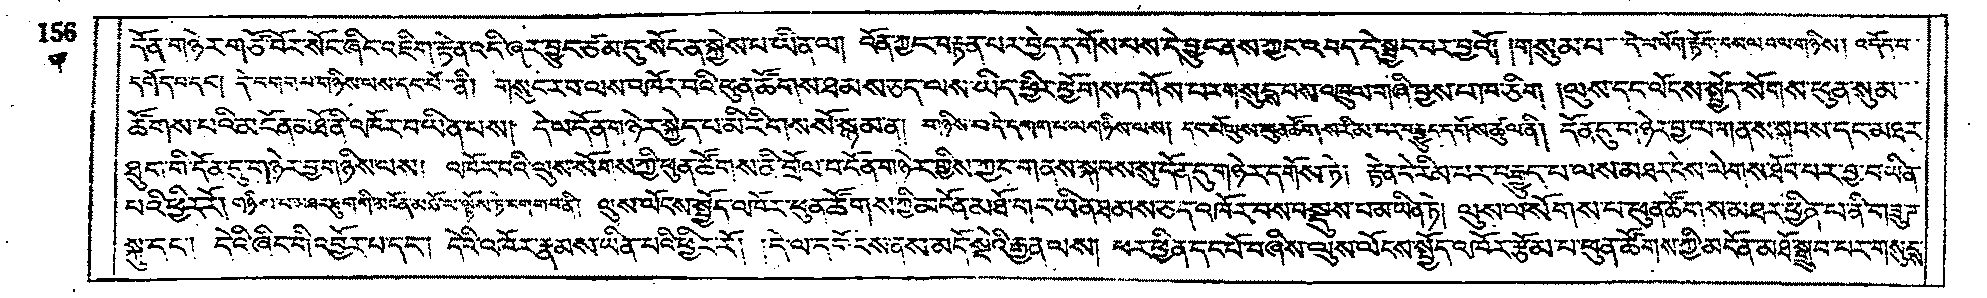དོན་གཉེར་གཙོ་བོར་སོང་ཞིང་འཇིག་རྟེན་འདི་ཞར་བྱུང་ཙམ་དུ་སོང་ན་སྐྱེས་པ་ཡིན་ལ། འོན་ཀྱང་བརྟན་པར་བྱེད་དགོས་པས་དེ་བྱུང་ནས་ཀྱང་འབད་དེ་སྦྱང་བར་བྱའོ། །གསུམ་པ་དེ་ལ་ལོག་རྟོག་བསལ་བ་ལ་གཉིས། འདོད་པ་
དགོད་པ་དང་། དེ་དགག་པ་གཉིས་ལས་དང་པོ་ནི། གསུང་རབ་ལས་འཁོར་བའི་ཕུན་ཚོགས་ཐམས་ཅད་ལས་ཡིད་ཕྱིར་ཕྱོགས་དགོས་པར་གསུངས་པས་འཁྲུལ་གཞི་བྱས་པ་ཁ་ཅིག །ལུས་དང་ལོངས་སྤྱོད་སོགས་ཕུན་སུམ་
ཚོགས་པའི་མངོན་མཐོ་ནི་འཁོར་བ་ཡིན་པས། དེ་ལ་དོན་གཉེར་སྐྱེད་པ་མི་རིགས་སོ་སྙམ་ན། གཉིས་པ་དེ་དགག་པ་ལ་གཉིས་ལས། དང་པོ་ལུས་ཕུན་ཚོགས་རིམ་པར་བརྒྱུད་དགོས་ཚུལ་ནི།  དོན་དུ་གཉེར་བྱ་ལ་གནས་སྐབས་དང་མཐར་
ཐུག་གི་དོན་དུ་གཉེར་བྱ་གཉིས་ལས། འཁོར་བའི་ལུས་སོགས་ཀྱི་ཕུན་ཚོགས་ནི་གྲོལ་བ་དོན་གཉེར་གྱིས་ཀྱང་གནས་སྐབས་སུ་དོན་དུ་གཉེར་དགོས་ཏེ། རྟེན་དེ་རིམ་པར་བརྒྱུད་པ་ལས་མཐར་ངེས་ལེགས་ཐོབ་པར་བྱ་བ་ཡིན་
པའི་ཕྱིར་རོ། གཉིས་པ་མཐར་ཐུག་གི་མངོན་མཐོ་ལ་ལྟོས་ཏེ་དགག་པ་ནི།  ལུས་ལོངས་སྤྱོད་འཁོར་ཕུན་ཚོགས་ཀྱི་མངོན་མཐོ་གང་ཡིན་ཐམས་ཅད་འཁོར་བས་བསྡུས་པ་མ་ཡིན་ཏེ། ལུས་ལ་སོགས་པ་ཕུན་ཚོགས་མཐར་ཕྱིན་པ་ནི་གཟུཌ་
སྐུ་དང་། དེའི་ཞིང་གི་འབྱོར་པ་དང་། དེའི་འཁོར་རྣམས་ཡིན་པའི་ཕྱིར་རོ། །དེ་ལ་དགོངས་ནས་མདོ་སྡེའི་རྒྱན་ལས། ཕར་ཕྱིན་དང་པོ་བཞིས་ལུས་ལོངས་སྤྱོད་འཁོར་རྩོམ་པ་ཕུན་ཚོགས་ཀྱི་མངོན་མཐོ་སྒྲུབ་པར་གསུངས་